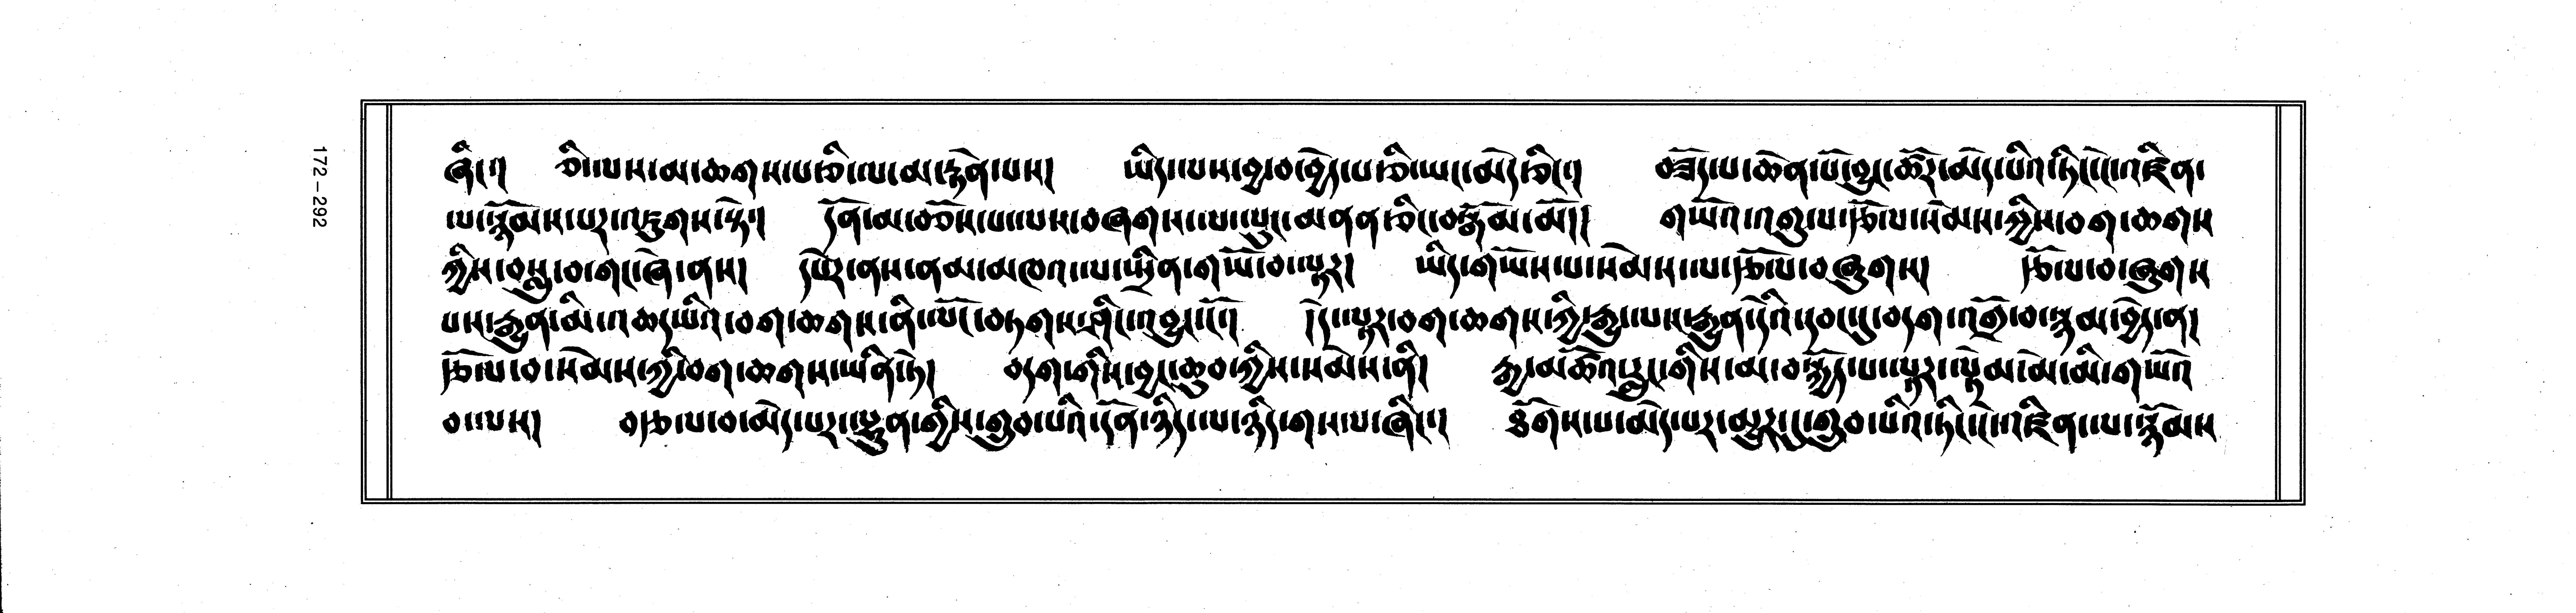ཞིང་། ཅི་ལས་མ་ཆགས་པ་ཅི་ལ་མ་རྟེན་པས། ཡིད་ལས་བྱ་བ་བྱེད་པ་ཅི་ཡང་མེད་ཅིང་། བཟོད་པ་ཆེན་པོ་བྱུང་ཚོར་མེད་པའི་ཏིང་ངེ་འཛིན་
ལ་སྙོམས་པར་འཇུགས་སྟེ། དོན་མ་བཅོས་པ་ལས་བཞགས་ལ་ལུང་མནན་ཅིང་བསྒོམ་མོ། གཡོའ་འགུལ་རྩོལ་སེམས་ཀྱིས་བག་ཆགས་
ཀྱིས་བསླུ་བ་གང་ཞེ་ནས། དཔེར་ནས་ནམ་མཁའ་ལ་སྤྲིན་གཡོ་བ་ལྟར། ཡིད་གཡོས་པ་སེམས་ལ་རྩོལ་བཞུགས། རྩོལ་བ་ཞུགས་
པས་རྒྱུན་མི་འཆད་པའི་བག་ཆགས་ནི་ལོང་བཏགས་ཤིང་འབྱུང་ངོ་། དེ་ལྟར་བག་ཆགས་ཀྱི་རྒྱུ་ལས་རྒྱུན་དེའི་དབང་དུ་བདག་འགྲོ་བ་སྙམ་བྱེད་ན། 
རྩོལ་བ་སེམས་ཀྱི་བག་ཆགས་ཡིན་ཏེ། བདག་གིས་བྱང་ཆུབ་ཀྱིས་སེམས་ནི། རྒྱ་མཚོའ་རླུང་གིས་མ་བསྐྱོད་པ་ལྟར་ལྟེམ་མི་གཡོའ་
བ་ལས། བརྩལ་བ་མེད་པར་ལྷུན་གྱིས་གྲུབ་པའི་དོན་ཉིད་ལ་ཉིད་གསལ་ཞིང་། ཐོགས་པ་མེད་པར་མྱུར་དུ་གྲུབ་པའི་ཏིང་ངེ་འཛིན་ལ་སྙོམས་